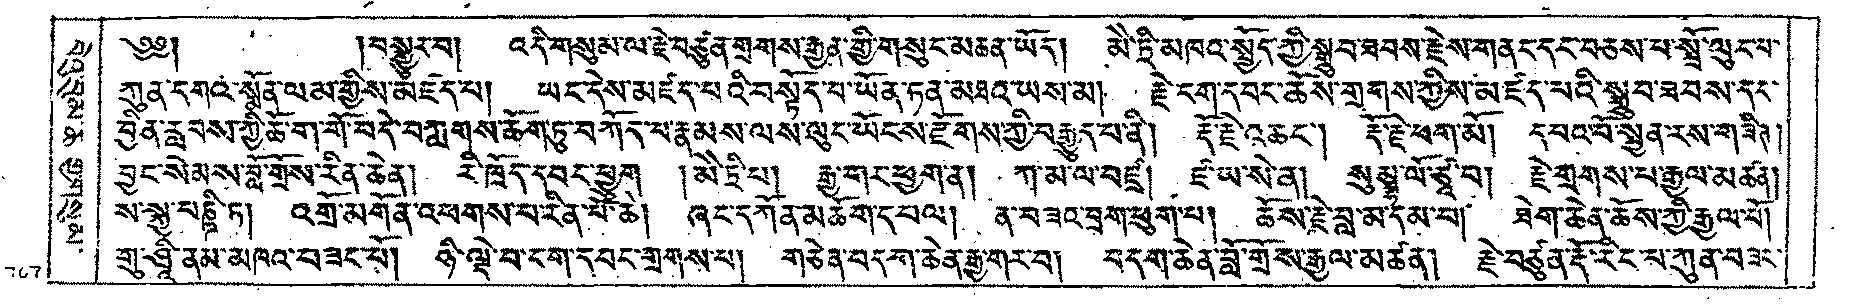༄༅།།བསྒྱུར་བ། འདི་གསུམ་ལ་རྗེ་བཙུན་གྲགས་རྒྱན་གྱི་གསུང་མཚན་ཡོད། མཻ་ཏྲི་མཁའ་སྤྱོད་ཀྱི་སྒྲུབ་ཐབས་རྗེས་གནང་དང་བཅས་པ་སྤྲོ་ལུང་པ་
ཀུན་དགའ་སྨོན་ལམ་གྱིས་མཛད་པ། ཡང་དེས་མཛད་པའི་བསྟོད་པ་ཡོན་ཏན་མཐའ་ཡས་མ། རྗེ་ངག་དབང་ཆོས་གྲགས་ཀྱིས་མཛད་པའི་སྒྲུབ་ཐབས་དང་
བྱིན་རླབས་ཀྱི་ཆོ་ག་གོ་བདེ་བཀླགས་ཆོག་ཏུ་བཀོད་པ་རྣམས་ལས་ལུང་ཡོངས་རྫོགས་ཀྱི་བརྒྱུད་པ་ནི། རྡོ་རྗེ་འཆང་། རྡོ་རྗེ་ཕག་མོ། དཔའ་བོ་སྤྱན་རས་གཟིགས།
བྱང་སེམས་བློ་གྲོས་རིན་ཆེན། རི་ཁྲོད་དབང་ཕྱུག །མཻ་ཏྲི་པ། རྒྱ་གར་ཕྱག་ན། ཀ་མ་ལ་བཛྲ། ཛ་ཡ་སེ་ན། སུམྦྷ་ལོ་ཙཱ་བ། རྗེ་གྲགས་པ་རྒྱལ་མཚན།
ས་སྐྱ་པཎྜི་ཏ། འགྲོ་མགོན་འཕགས་པ་རིན་པོ་ཆེ། ཞང་དཀོན་མཆོག་དཔལ། ན་བཟའ་བྲག་ཕུག་པ། ཆོས་རྗེ་བླ་མ་དམ་པ། ཐེག་ཆེན་ཆོས་ཀྱི་རྒྱལ་པོ།
གུ་ཤྲཱི་ནམ་མཁའ་བཟང་པོ། ཉི་ལྡེ་བ་ངག་དབང་གྲགས་པ། གཅེན་བདག་ཆེན་རྒྱ་གར་བ། བདག་ཆེན་བློ་གྲོས་རྒྱལ་མཚན། རྗེ་བཙུན་རྡོ་རིང་པ་ཀུན་བཟང་